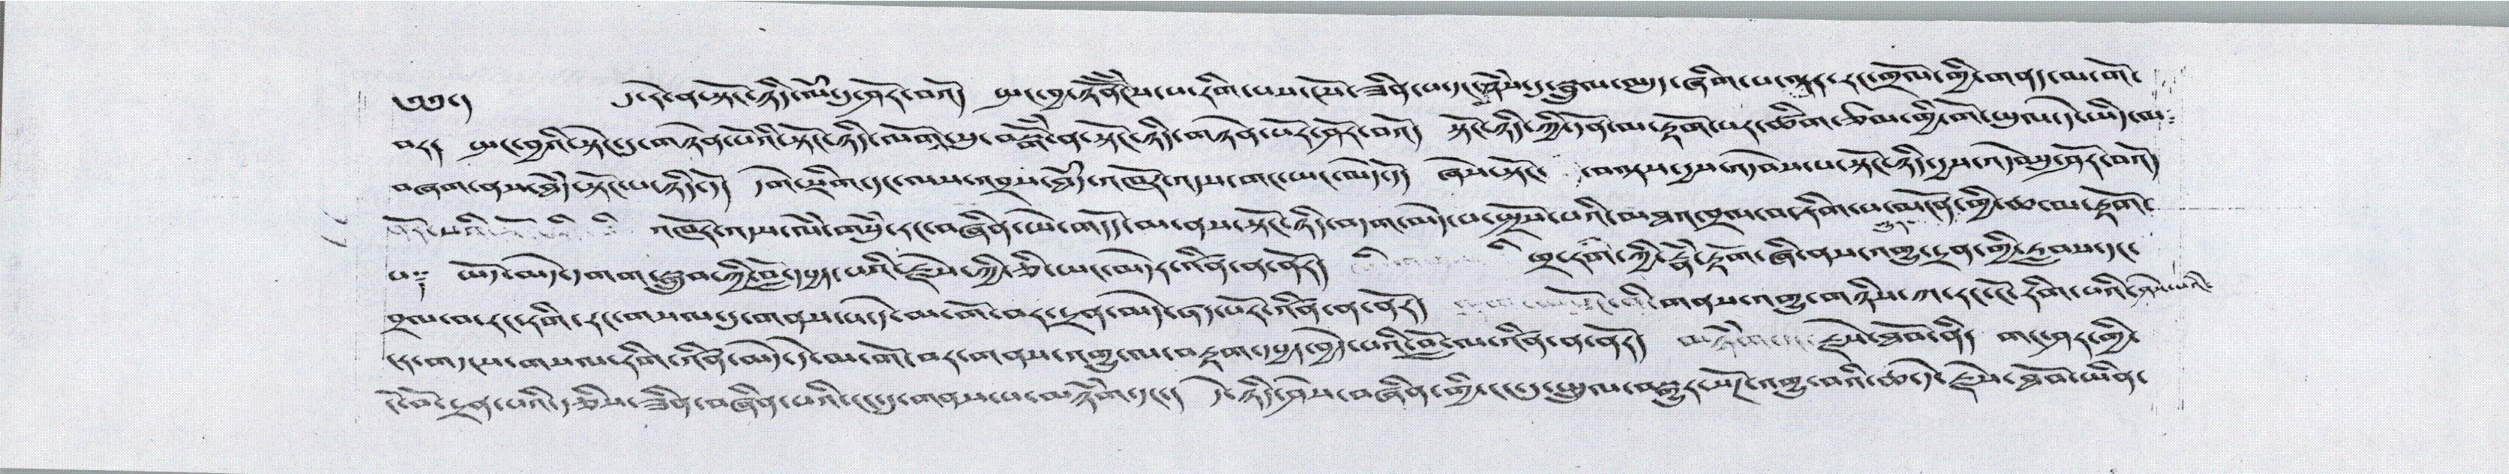དུ་རེ་ན་སྟོང་ཉིད་ལམ་དུ་ཤོར་བའོ། སྤང་བྱ་ཉོན་མོངས་པ་རིག་པས་ངོས་ཟིན་པ་དང་མཉམས་དུ་སྦྲུལ་མདུད་ཞིག་པ་ལྟར་རང་གྲོལ་གྱི་གནད་མ་གོ་
བར། སྤང་བྱའི་སྟེང་དུ་གཉེན་པོའི་སྟོང་ཉིད་ལོགས་སུ་བསྒོམ་ན་སྟོང་ཉིད་གཉེན་པོར་ཤོར་བའོ། སྟོང་ཉིད་ཀི་དོན་མ་རྟོག་པར་ཚིག་ཙམ་གྱི་གོ་ཡུལ་དེ་ཡིད་མ་
བཞག་ནས་ཐམས་ཅད་སྟོང་པ་ཉོད་དོ། དགེ་སྡིག་དང་ལས་འབྲས་ཐམས་ཅད་འཁོར་འདས་གང་ཡང་མེད་དོ། ཞེས་སྟོང་བལྟས་རྒྱས་འདེབས་པ་སྟོང་ཉིད་རྒྱས་འདེབས་སུ་ཤོར་བའོ། 
ནོར་སའི་སོའི་་་་འཁོར་འདས་ལམ་གསུམ་རང་བཞིན་ཡེ་གདོད་མ་ནས་སྟོང་ཉིད་བདག་མེད་པ་སྤྲོས་པའི་མཐའ་བྲལ་བ་རིག་པ་ཟུར་མངོན་གྱི་ཆ་མ་རྟོགས་
པ། ཡོད་མེད་དགག་སྒྲུབ་ཀྱི་བློ་དཔྱད་པའི་རྗེས་ཀྱི་ཅི་ཡང་མེད་པར་འཛིན་ན་ནོར། ་་་་་་་་་་་་་ཕྲ་རག་ཀྱི་རྣམ་རྟོག་ཞི་ནས་འགྱུ་དྲན་གྱི་རླབས་དང་
བྲལ་བ་རང་རིག་རང་གསལ་དུ་གནས་པ་དེ་མ་གོ་བར་དྲན་མེད་ཧད་པོར་འཛིན་ན་ནོར། ལྷག་མཐོང་གི་གནས་འགྱུ་གཉིས་ཀ་རང་ངོ་རིག་པའི་ཤེས་པའི་
ངར་གདངས་གསལ་རིག་འཛིན་མེད་དེ་མ་གོ་བར་གནས་འགྱུ་ལ་བརྟག་དཔྱད་བྱེད་པའི་བློ་ལ་འཛིན་ན་ནོར། མཉམ་བཞག་དང་རྗེས་ཐོབ་ནི། གང་ཤར་གྱི་
ངོ་བོ་དྲན་པའི་རྩིས་ཟིན་བཞིན་པའི་ངང་དུ་གནས་པ་མཉམ་བཞག་དང། དེ་ཉིད་ཤེས་བཞིན་གྱི་ངང་དུ་སྤྲུལ་བསྒྱུར་སོགས་འགྱུ་བའི་ཆ་དེ་རྗེས་ཐོབ་ཡིན་